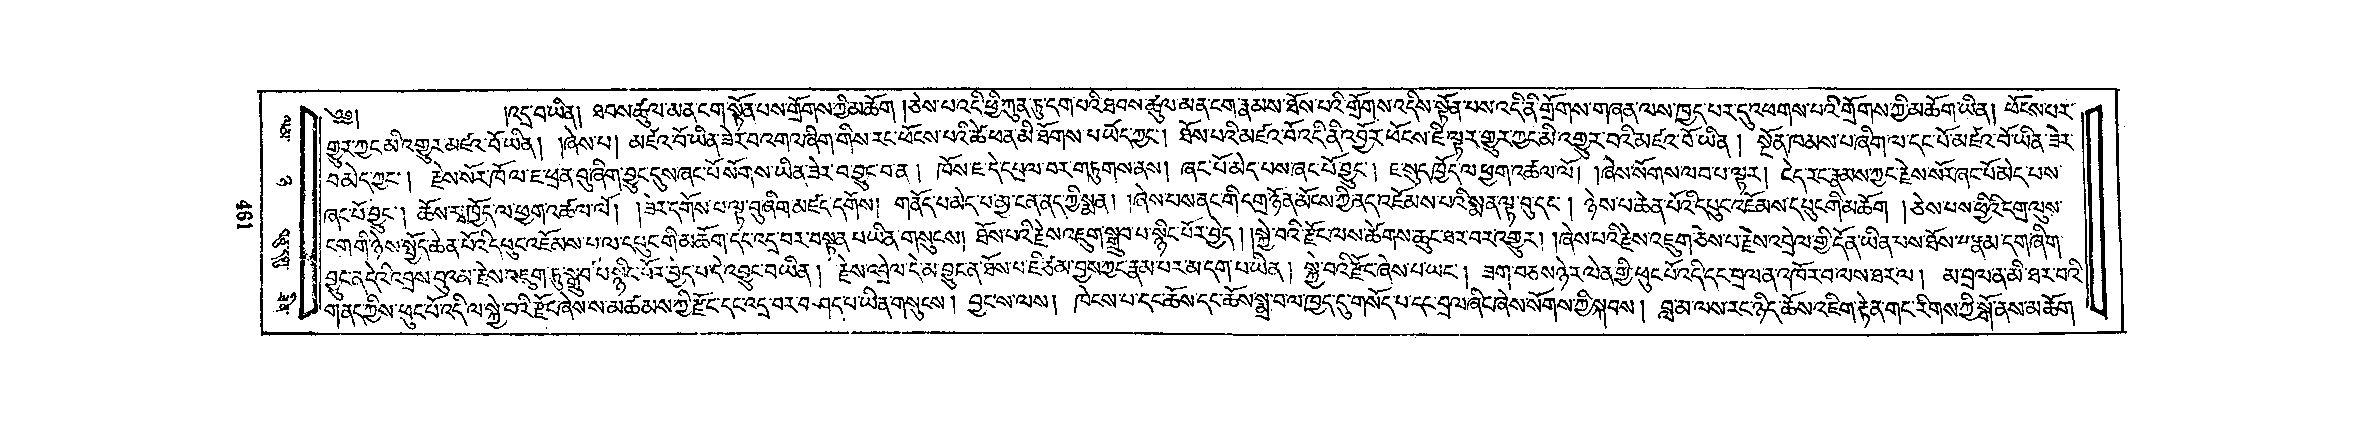༄༅། །འདྲ་བ་ཡིན། ཐབས་ཚུལ་མན་ངག་སྟོན་པས་གྲོགས་ཀྱི་མཆོག །ཅེས་པ་འདི་ཕྱི་ཀུན་ཏུ་དག་པའི་ཐབས་ཚུལ་མན་ངག་རྣམས་ཐོས་པའི་གྲོགས་འདིས་སྟོན་པས་འདི་ནི་གྲོགས་གཞན་ལས་ཁྱད་པར་དུ་འཕགས་པའི་གྲོགས་ཀྱི་མཆོག་ཡིན། ཕོངས་པར་
གྱུར་ཀྱང་མི་འགྱུར་མཛའ་བོ་ཡིན། །ཞེས་པ། མཛའ་བོ་ཡིན་ཟེར་བ་འགའ་ཞིག་གིས་རང་ཕོངས་པའི་ཚེ་ཕན་མི་ཐོགས་པ་ཡོད་ཀྱང་། ཐོས་པའི་མཛའ་བོ་འདི་ནི་འབྱོར་ཕོངས་ཇི་ལྟར་གྱུར་ཀྱང་མི་འགྱུར་བའི་མཛའ་བོ་ཡིན། སྔོན་ཁམས་པ་ཞིག་ལ་དང་པོ་མཛའ་བོ་ཡིན་ཟེར་
བ་མེད་ཀྱང་། རྗེས་སོར་ཁོ་ལ་ཇ་ཕྲན་བུ་ཞིག་བྱུང་དུས་ཞང་པོ་སོགས་ཡིན་ཟེར་བ་བྱུང་བ་ན། ཁོས་ཇ་དེ་དཔྲལ་བར་གཏུགས་ནས། ཞང་པོ་མེད་པས་ཞང་པོ་བྱུང་། ཇ་སུད་ཁྱོད་ལ་ཕྱག་འཚལ་ལོ། །ཞེས་སོགས་ལབ་པ་ལྟར། ངེད་རང་རྣམས་ཀྱང་རྗེས་སོར་ཞང་པོ་མེད་པས་
ཞང་པོ་བྱུང་། ཆོས་རྭ་ཁྱོད་ལ་ཕྱག་འཚལ་ལོ། །ཟེར་དགོས་པ་ལྟ་བུ་ཞིག་མཛད་དགོས། གནོད་པ་མེད་པ་མྱ་ངན་ནད་ཀྱི་སྨན། །ཞེས་པས་ནང་གི་དགྲ་ཉོན་མོངས་ཀྱི་ནད་འཇོམས་པའི་སྨན་ལྟ་བུ་དང་། ཉེས་པ་ཆེན་པོའི་དཔུང་འཇོམས་དཔུང་གི་མཆོག །ཅེས་པས་ཕྱིའི་དགྲ་ལུས་
ངག་གི་ཉེས་སྤྱོད་ཆེན་པོའི་དཔུང་འཇོམས་པ་ལ་དཔུང་གི་མཆོག་དང་འདྲ་བར་བསྟན་པ་ཡིན་གསུངས། ཐོས་པའི་རྗེས་འཇུག་སྒྲུབ་པ་སྙིང་པོར་བྱེད། །སྐྱེ་བའི་རྫོང་ལས་ཚེགས་ཆུང་ཐར་བར་འགྱུར། །ཞེས་པའི་རྗེས་འཇུག་ཅེས་པ་རྗེས་འབྲེལ་གྱི་དོན་ཡིན་པས་ཐོས་པ་རྣམ་དག་ཞིག་
བྱུང་ན་དེའི་འབྲས་བུའམ་རྗེས་འཇུག་ཏུ་སྒྲུབ་པ་སྙིང་པོར་བྱེད་པ་དེ་འབྱུང་བ་ཡིན། རྗེས་འབྲེལ་དེ་མ་བྱུང་ན་ཐོས་པ་ཇི་ཙམ་བྱས་ཀྱང་རྣམ་པར་མ་དག་པ་ཡིན། སྐྱེ་བའི་རྫོང་ཞེས་པ་ཡང་། ཟག་བཅས་ཉེར་ལེན་གྱི་ཕུང་པོ་འདི་དང་བྲལ་ན་འཁོར་བ་ལས་ཐར་ལ། མ་བྲལ་ན་མི་ཐར་བའི་
གནད་ཀྱིས་ཕུང་པོ་འདི་ལ་སྐྱེ་བའི་རྫོང་ཞེས་ས་མཚམས་ཀྱི་རྫོང་དང་འདྲ་བར་བཤད་པ་ཡིན་གསུངས། བྱང་ས་ལས། ཁེངས་པ་དང་ཆོས་དང་ཆོས་སྨྲ་བ་ལ་ཁྱད་དུ་གསོད་པ་དང་བྲལ་ཞིང་ཞེས་སོགས་ཀྱི་སྐབས། བླ་མ་ལས་རང་ཉིད་ཆོས་འཇིག་རྟེན་གང་རིགས་ཀྱི་སྒོ་ནས་མཆོག་